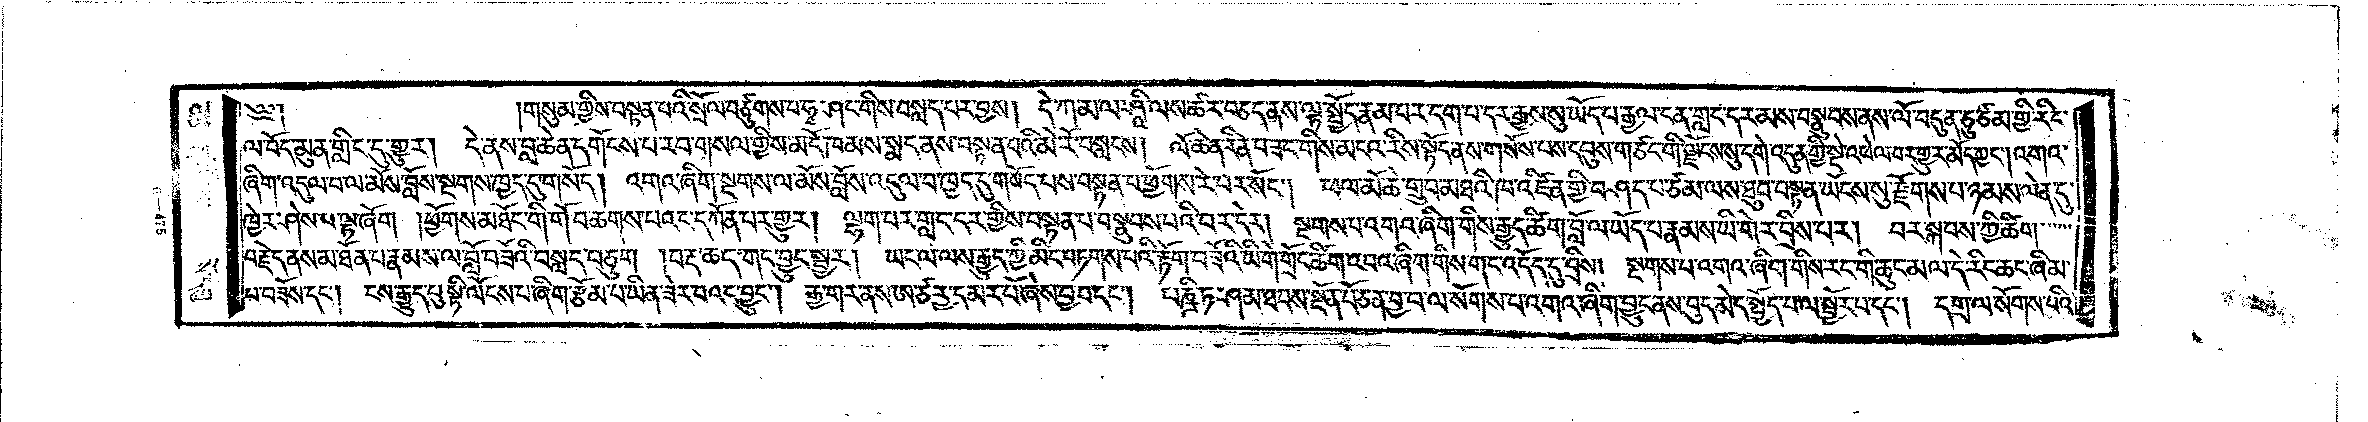༄༅། །གསུམ་གྱིས་བསྟན་པའི་སྲོལ་བཙུགས་པ་ཧྭ་ཤང་གིས་བསླད་པར་བྱས། དེ་ཀ་མ་ལ་ཤཱི་ལས་ཚར་བཅད་ནས་ལྟ་སྤྱོད་རྣམ་པར་དག་པ་དར་རྒྱས་སུ་ཡོད་པ་རྒྱལ་ངན་གླང་དར་མས་བསྣུབས་ནས་ལོ་བདུན་ཅུ་ཙམ་གྱི་རིང་
ལ་བོད་མུན་གླིང་དུ་གྱུར། དེ་ནས་བླ་ཆེན་དགོངས་པ་རབ་གསལ་གྱིས་མདོ་ཁམས་སྨད་ནས་བསྟན་པའི་མེ་རོ་བསླངས། ལོ་ཆེན་རིན་བཟང་གིས་མངའ་རིས་སྟོང་ནས་གསོས་པས་དབུས་གཙང་གི་ལྗོངས་སུ་དགེ་འདུན་གྱི་སྡེ་འཕེལ་བར་གྱུར་མོད་ཀྱང་། འགའ་
ཞིག་འདུལ་བ་ལ་མོས་བློས་སྔགས་ཁྱད་དུ་གསོད། འགའ་ཞིག་སྔགས་ལ་མོས་བློས་འདུལ་བ་ཁྱད་དུ་གསོད་པས་བསྟན་པ་ཕྱོགས་རེ་བར་སོང་། ཕལ་མོ་ཆེ་གྲུབ་མཐའི་ཁ་འཛིན་གྱི་བཤད་པ་ཙམ་ལས་ཐུབ་བསྟན་ཡོངས་སུ་རྫོགས་པ་ཉམས་ལེན་དུ་
ཁྱེར་ཤེས་པ་ལྟ་ཞོག །ཕྱོགས་མཐོང་གི་གོ་བ་ཆགས་པའང་དཀོན་པར་གྱུར། ལྷག་པར་གླང་དར་གྱིས་བསྟན་པ་བསྣུབས་པའི་བར་དེར། སྔགས་པ་འགའ་ཞིག་གིས་རྒྱུད་ཚིག་བློ་ལ་ཡོད་པ་རྣམས་ཡི་གེར་བྲིས་པར། བར་སྐབས་ཀྱི་ཚིག་
བརྗེད་ནས་མ་ཐོན་པ་རྣམས་ལ་བློ་བཟོའི་བསླད་བཅུག །བརྡ་ཆད་གང་བྱུང་སྦྱར། ཡང་ལ་ལས་རྒྱུད་ཀྱི་མིང་བཏགས་པའི་རྟོག་བཟོའི་ཡི་གེ་གྲོང་ཚིག་འབའ་ཞིག་གིས་གང་འདོད་དུ་བྲིས། སྔགས་པ་འགའ་ཞིག་གིས་རང་གི་ཆུང་མ་ལ་དེ་རིང་ཆང་ཞིམ་
པ་བཟོས་དང་། ངས་རྒྱུད་པུ་སྟི་ལོངས་པ་ཞིག་རྩོམ་པ་ཡིན་ཟེར་པའང་བྱུང་། རྒྱ་གར་ནས་ཨ་ཙ་རྱ་དམར་པོ་ཞེས་བྱ་བ་དང་། པཎྜི་ཏ་ཤམ་ཐབས་སྔོན་པོ་ཅན་བྱ་བ་ལ་སོགས་པ་འགའ་ཞིག་བྱུང་ནས་བུད་མེད་སྤྱོད་པ་ལ་སྦྱོར་བ་དང་། དགྲ་ལ་སོགས་པའི་